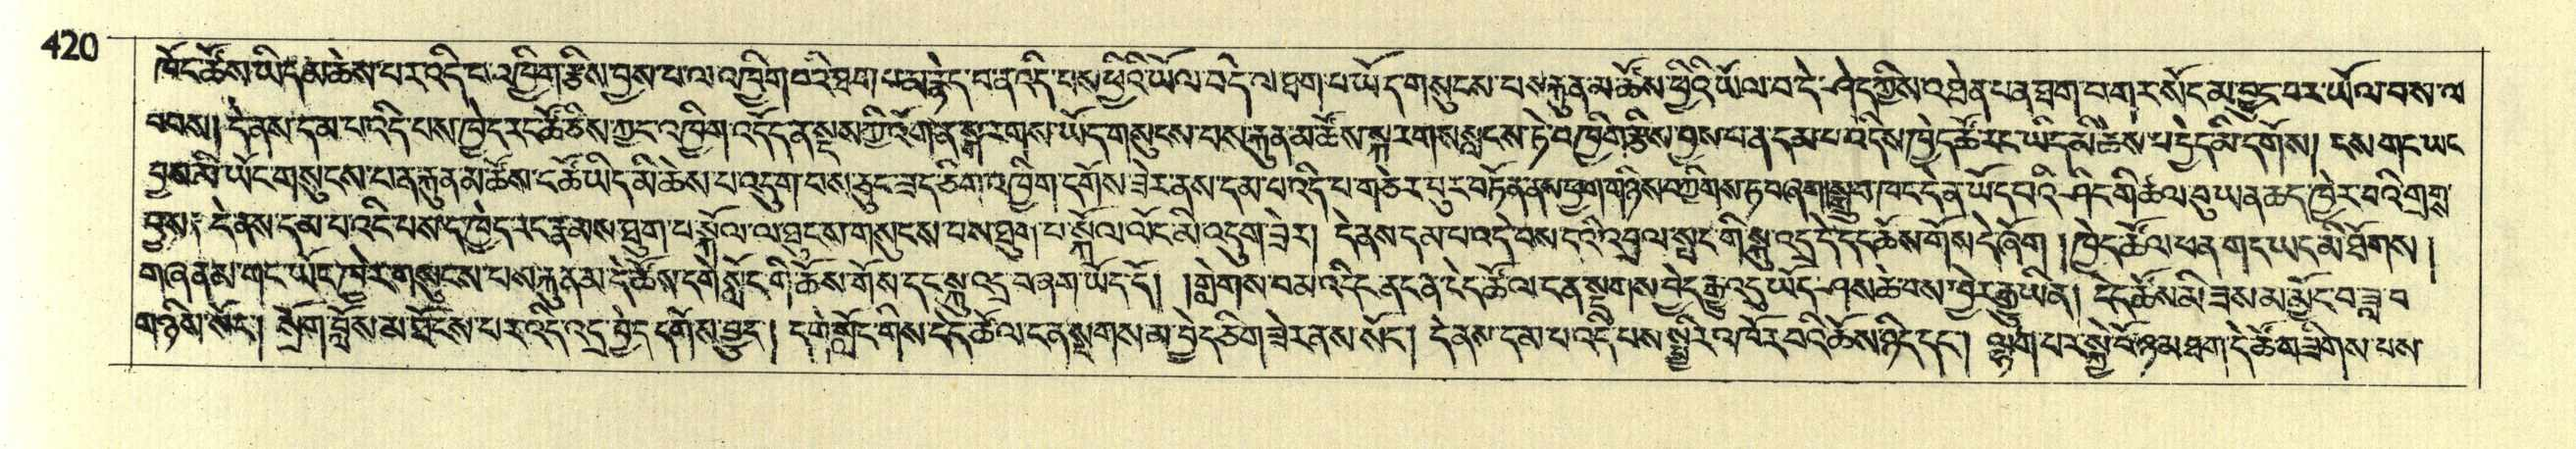ཁོང་ཚོས་ཡིད་མ་ཆེས་པར་འདི་པ་འཁྱིག་རྩིས་བྱས་པ་ལ་འཁྱིག་བའི་ཐག་པ་མ་རྙེད་བ་ན་འདི་པས་ཕྱིའི་ཡོལ་བདེ་ལ་ཐག་པ་ཡོད་གསུངས་པས་རྐུན་མ་ཚོས་ཕྱིའི་ཡོལ་བ་དེ་ཤེད་ཀྱིས་འཐེན་པན་ཐག་བ་གར་སོང་མ་བྱུང་བར་ཡོལ་བས་ལ་
བབས། དེ་ནས་དམ་པ་འདི་པས་ཁྱེད་རང་ཚོ་ཅིས་ཀྱང་འཁྱིག་འདོད་ན་སྡས་ཀྱི་འོག་ན་སྒ་རགས་ཡོད་གསུངས་པས་རྐུན་མ་ཚོས་སྐ་རགས་སླངས་ཏེ་བྑྱིག་རྩིས་བྱས་པ་ན་དམ་པ་འདིས་ཁྱེད་ཚོ་རང་ཡིད་མི་ཚེས་པ་བྱེད་མི་དགོས། ངས་གང་ཡང་
བྱས་མི་ཡོང་གསུངས་པ་ན་རྐུན་མ་ཚོས་ང་ཚོ་ཡིད་མི་ཆེས་པ་འདུག་པས་ཅུང་ཟད་ཅིག་འཁྱིག་དགོས་ཟེར་ནས་དམ་པ་འདི་པ་གཅེར་བུར་བཏོན་ནས་ཕྱག་གཉིས་བཀྱིགས་ཏ་བཞག། སྒྲུབ་ཁང་དེན་ཡོད་བའི་ཤིང་གི་ཚལ་བུ་ཡན་ཆད་ཁྱེར་བའི་གྲགས་
བྱས༑ དེ་ནས་དམ་པ་འདི་པས་ད་ཁྱེད་རང་རྣམས་ཐུག་པ་སྐོལ་ལ་ཐུངས་གསུངས་པས་ཐུག་པ་སྐོལ་ལོང་མི་འདུག་ཟེར། དེ་ནས་དམ་པ་འདེ་བས་དའི་འབྲལ་སྤང་གི་སྐུ་འདྲ་དེ་དང་ཆོས་གོས་དེ་ཞོག །ཁྱེད་ཚོལ་ཕན་གང་ཡང་མི་ཐོགས་།
གཞན་མ་གང་ཡོང་ཁྱེར་གསུངས་པས་རྐུན་མ་དེ་ཚོས་དགེ་སློང་གི་ཆོས་གོས་དང་སྐུ་འདྲ་བཞག་ཡོད་དོ། །གླེགས་བམ་འདིང་ནང་ན་ངེད་ཚོལ་ངན་སྡུགས་བྱེད་རྒྱུ་འདུ་ཡོད་ཤས་ཆེ་བས་བྱེར་རྒྱུ་ཡིན། ངེད་ཚོས་མི་ཟས་མ་མྱོང་བ་ཟླ་བ་
གཉིས་སོང་། སྲོག་བློས་མ་ཐོངས་པར་འདི་འདྲ་བྱེད་དགོས་བྱུང་། དགེ་སློང་གིས་དེད་ཚོལ་ངན་སྔགས་མ་བྱེད་ཅིག་ཟེར་ནས་སོང་། དེ་ནས་དམ་པ་འདི་པས་སྤྱིར་འཁོར་བའི་ཆོས་ཉིད་དང་། ལྷག་པར་སྐྱེ་བོ་ཉམ་ཐག་དེ་ཚོ་གཟིགས་པས་